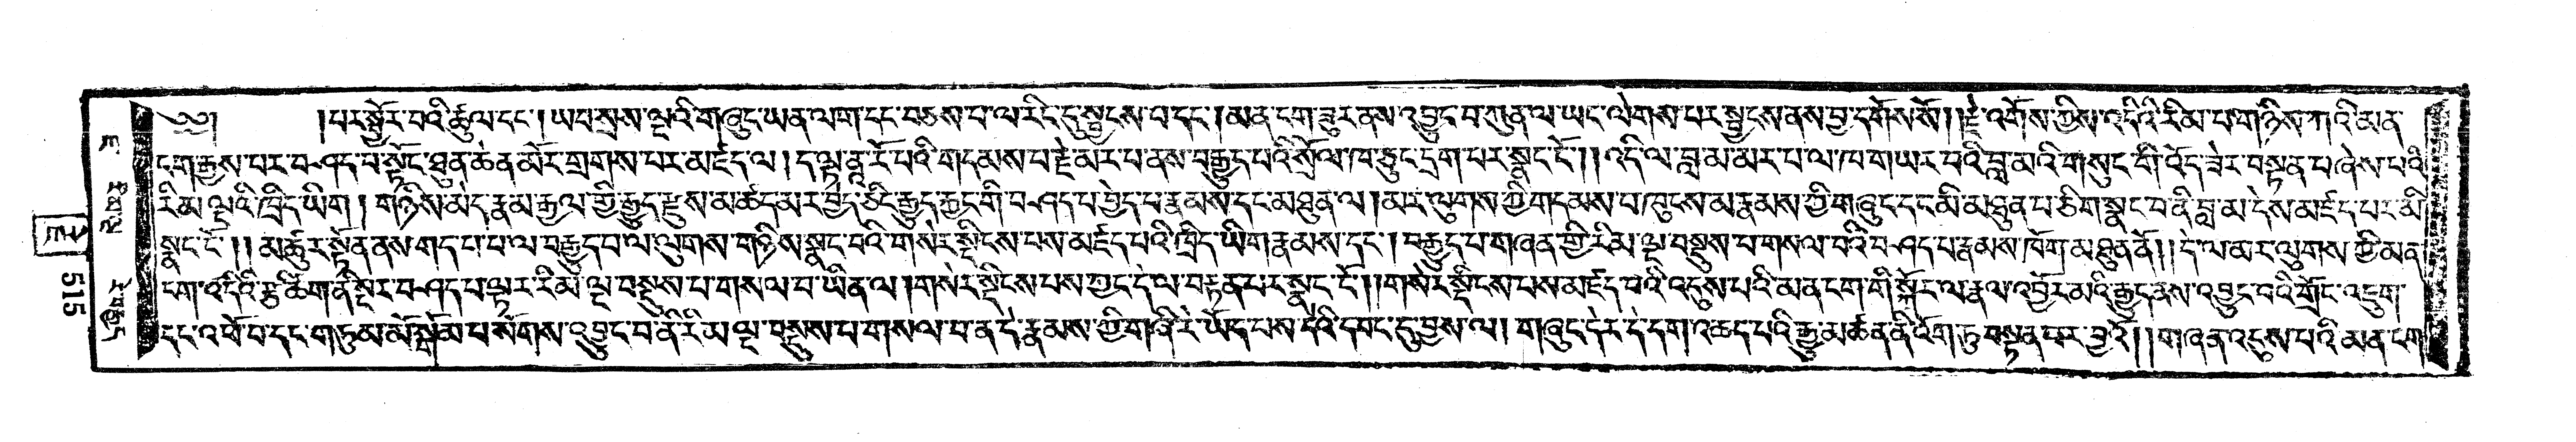༄༅། །པར་སྦྱོར་བའི་ཚུལ་དང་། ཡབ་སྲས་ལྔའི་གཞུང་ཡན་ལག་དང་བཅས་པ་ལ་རིང་དུ་སྦྱངས་པ་དང་། མན་ངག་ཟུར་ནས་འབྱུང་བ་ཀུན་ལ་ཡང་ལེགས་པར་སྦྱངས་ནས་བྱ་དགོས་སོ། །རྗེ་འགོས་ཀྱིས་འདིའི་རིམ་པ་གཉིས་ཀའི་མན་
ངག་རྒྱས་པར་བཤད་པ་སྟོང་ཐུན་ཆེན་མོར་གྲགས་པར་མཛད་ལ། ད་ལྟ་ནཱ་རོ་པའི་གདམས་པ་རྗེ་མར་པ་ནས་བརྒྱུད་པའི་སྲོལ་ཁ་ཅུང་དྲག་པར་སྣང་ངོ། །འདི་ལ་བླ་མ་མར་པ་ལ་ཁ་གཡར་བའི་བླ་མའི་གསུང་གི་འོད་ཟེར་བསྟན་པ་ཞེས་པའི་
རིམ་ལྔའི་ཁྲིད་ཡིག །གཉིས་མེད་རྣམ་རྒྱལ་གྱི་རྒྱུད་རྫུས་མ་ཚད་མར་བྱེད་ཙང་རྒྱུད་རྐྱང་གི་བཤད་པ་བྱེད་པ་རྣམས་དང་མཐུན་ལ། མར་ལུགས་ཀྱི་གདམས་པ་ཁུངས་མ་རྣམས་ཀྱི་གཞུང་དང་མི་མཐུན་པ་ཅིག་སྣང་བ་ནི་བླ་མ་དེས་མཛད་པར་མི་
སྣང་ངོ། །མཚུར་སྟོན་ནས་གད་པ་པ་ལ་བརྒྱུད་པ་ལ་ལུགས་གཉིས་སྣང་བའི་གསེར་སྡིངས་པས་མཛད་པའི་ཁྲིད་ཡིག་རྣམས་དང་། བརྒྱུད་པ་གཞན་གྱི་རིམ་ལྔ་བསྡུས་པ་གསལ་བའི་བཤད་པ་རྣམས་ཁོག་མཐུན་ནོ། །དེ་ལ་མར་ལུགས་ཀྱི་མན་
ངག་འདིའི་རྩ་ཚིག་ནི་སྔར་བཤད་པ་ལྟར་རིམ་ལྔ་བསྡུས་པ་གསལ་བ་ཡིན་ལ། གསེར་སྡིངས་པས་ཀྱང་དེ་ལ་བརྟན་པར་སྣང་ངོ། །གསེར་སྡིངས་པས་མཛད་པའི་འདུས་པའི་མན་ངག་གི་སྐོར་ལ་རྣལ་འབྱོར་མའི་རྒྱུད་ནས་འབྱུང་བའི་གྲོང་འཇུག་
དང་འཕོ་བ་དང་གཏུམ་མོ་སྒོམ་པ་སོགས་འབྱུང་བ་ནི་རིམ་ལྔ་བསྡུས་པ་གསལ་བ་ན་དེ་རྣམས་ཀྱི་གཞི་རེ་ཡོད་པས་དེའི་དབང་དུ་བྱས་ལ། གཞུང་དེར་དེ་དག་འཆད་པའི་རྒྱུ་མཚན་ནི་འོག་ཏུ་བསྟན་པར་བྱའོ། །གཞན་འདུས་པའི་མན་ངག་